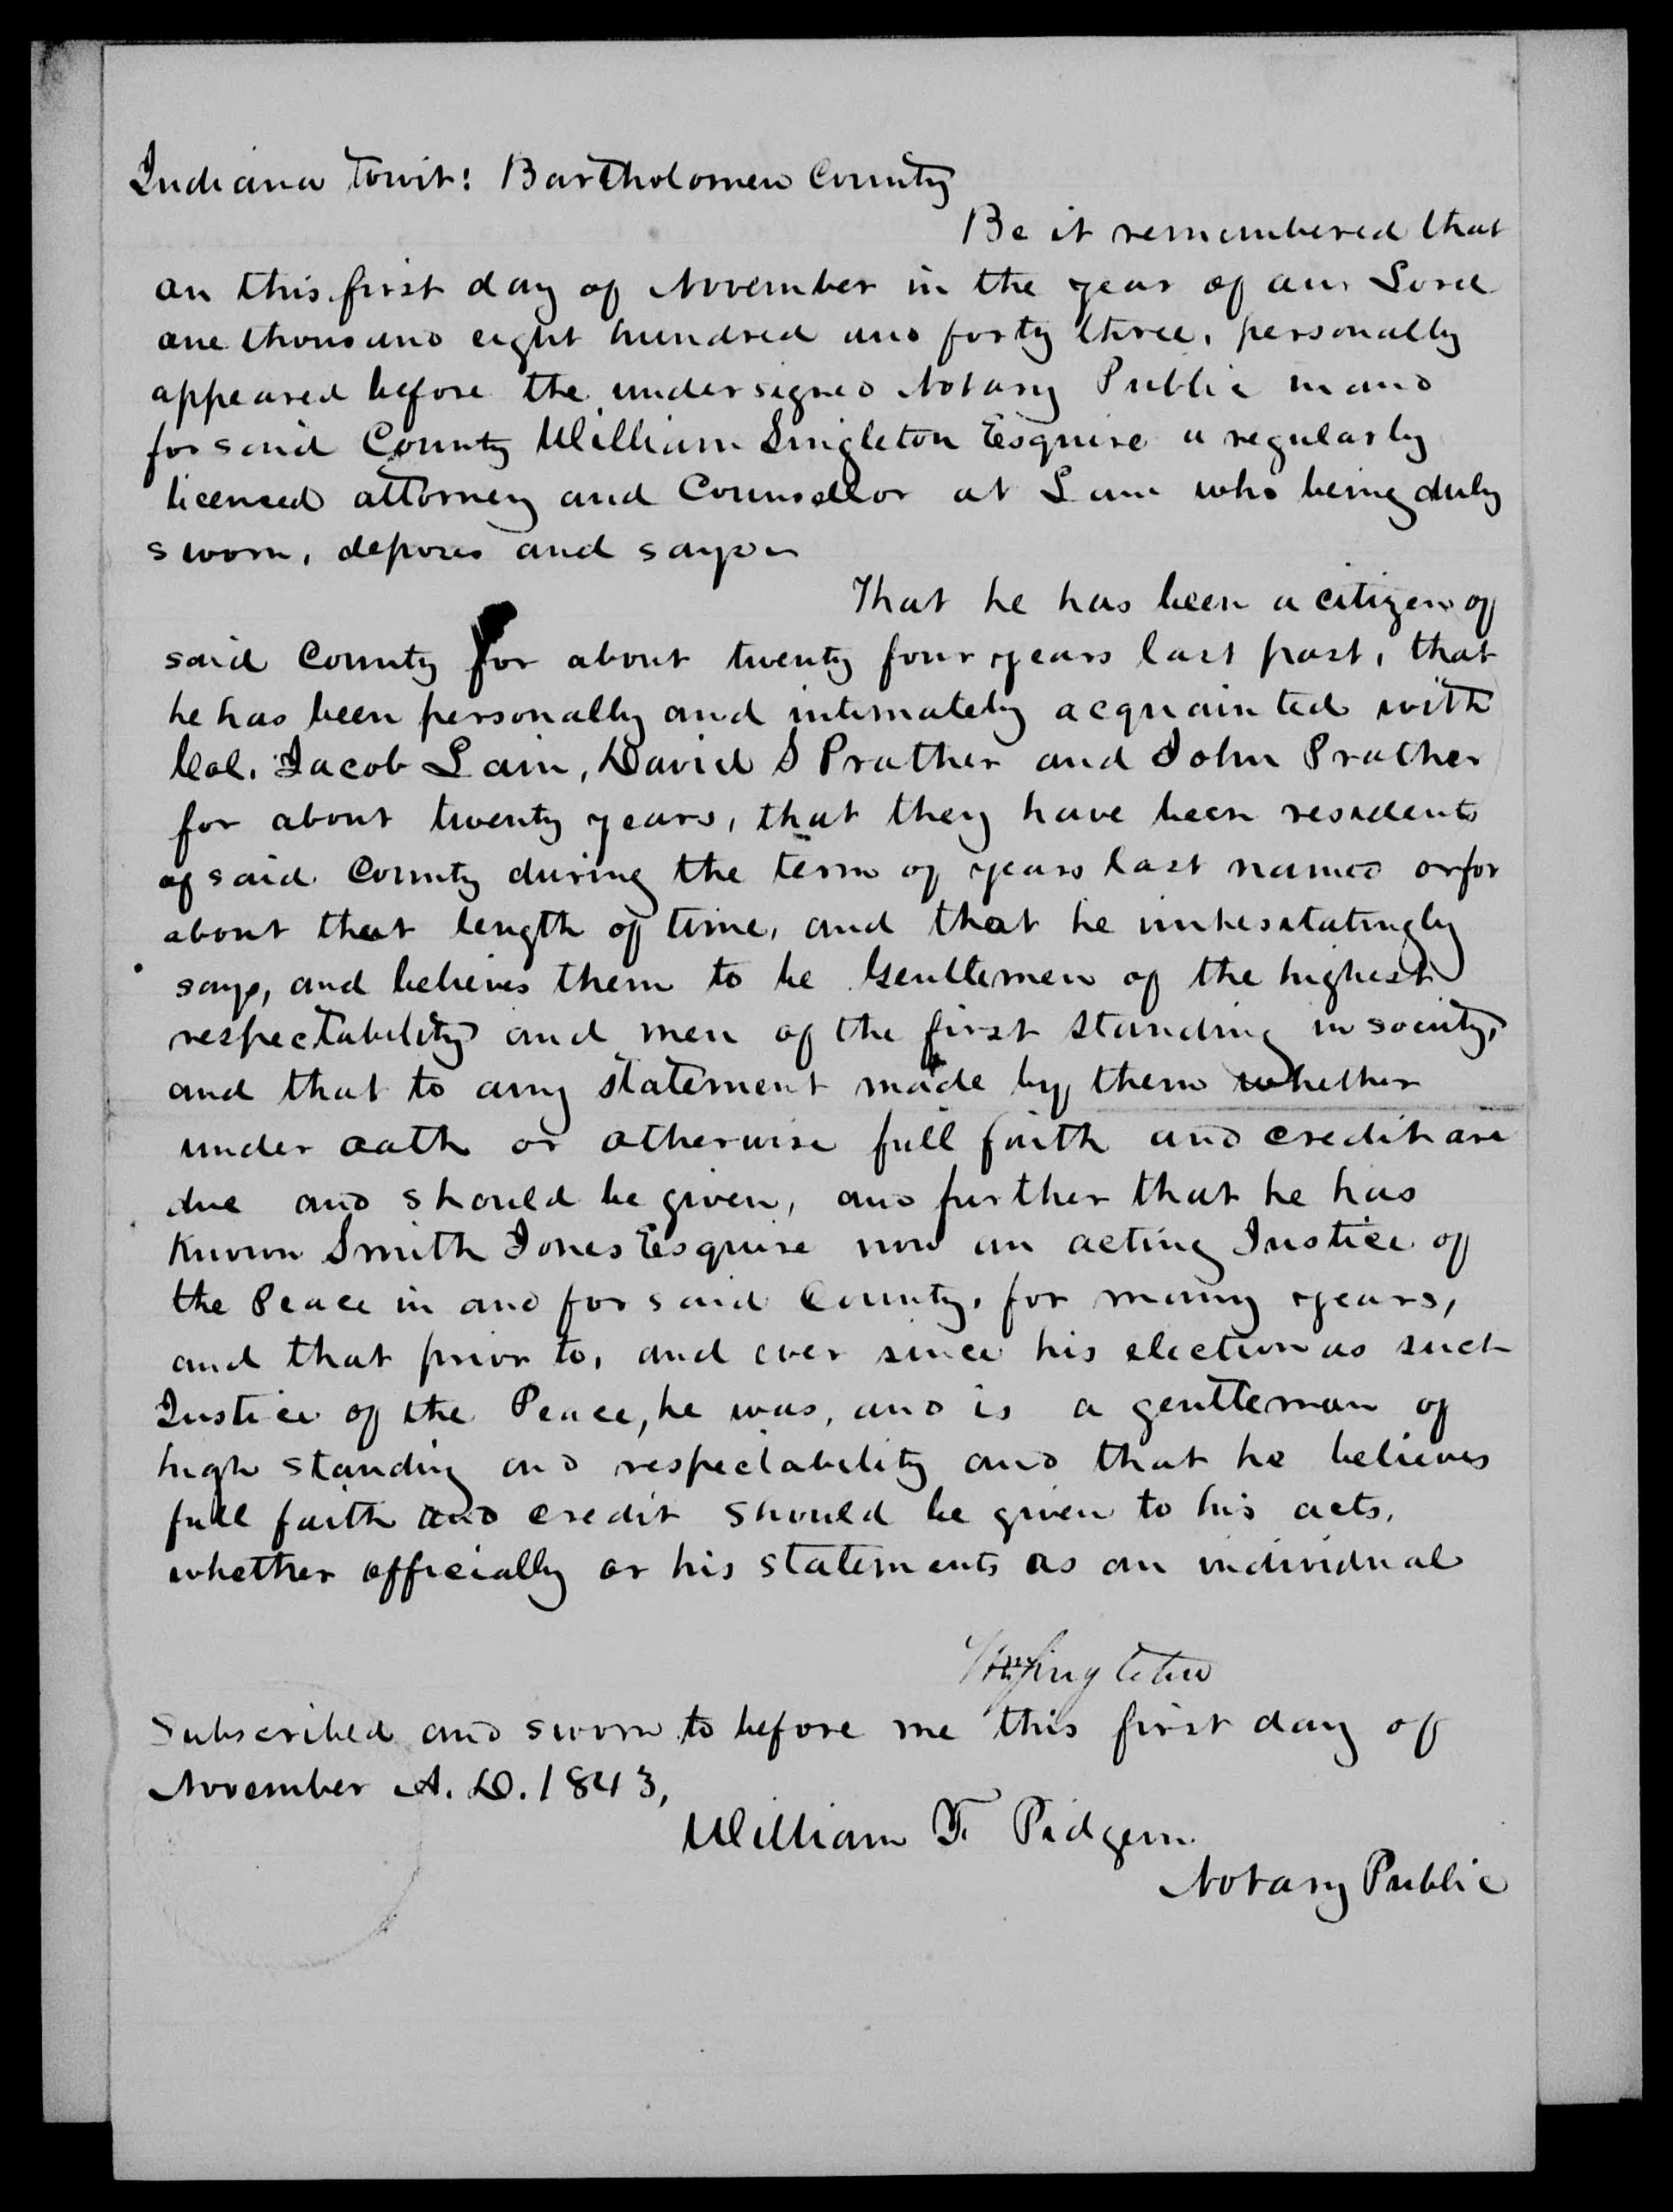Indiana Towit: Bartholomew County

Be it remembered that on this first day of November in the year of our Lord one thousand eight hundred and forty three, personally appeared before the undersigned Notary Public in and for said County William Singleton Esquire a regularly licensed attorney and Counselor at Law who being duly sworn, deposes and says~

That he has been a citizen of said County for about twenty four years last past, that he has been personally and intimately acquainted with Col. Jacob Lain, David S Prather and John Prather for about twenty years, that they have been residents of said County during the term of years last named or for about that length of time, and that he unhesitatingly says, and believes them to be Gentlemen of the highest respectability and men of the first standing in society, and that to any statement by them whether under oath or otherwise full faith and credit are due and should be given, and further that he has known Smith Jones Esquire now an acting Justice of the Peace in and for said County, for many years, and that prior to, and ever since his election as such Justice of the Peace, he was, and is a gentleman of high standing and respectability and that he believes full faith and credit should be given to his acts, whether officially or his statements as an individual

[signed] Wm Singleton

Subscribed and sworn to before me this first day of November A.D. 1843.

[signed] William F. Pidgeon
Notary Public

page: 57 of 78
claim: widow's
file: W. 25,169, for Daniel Sullivan, Maryland